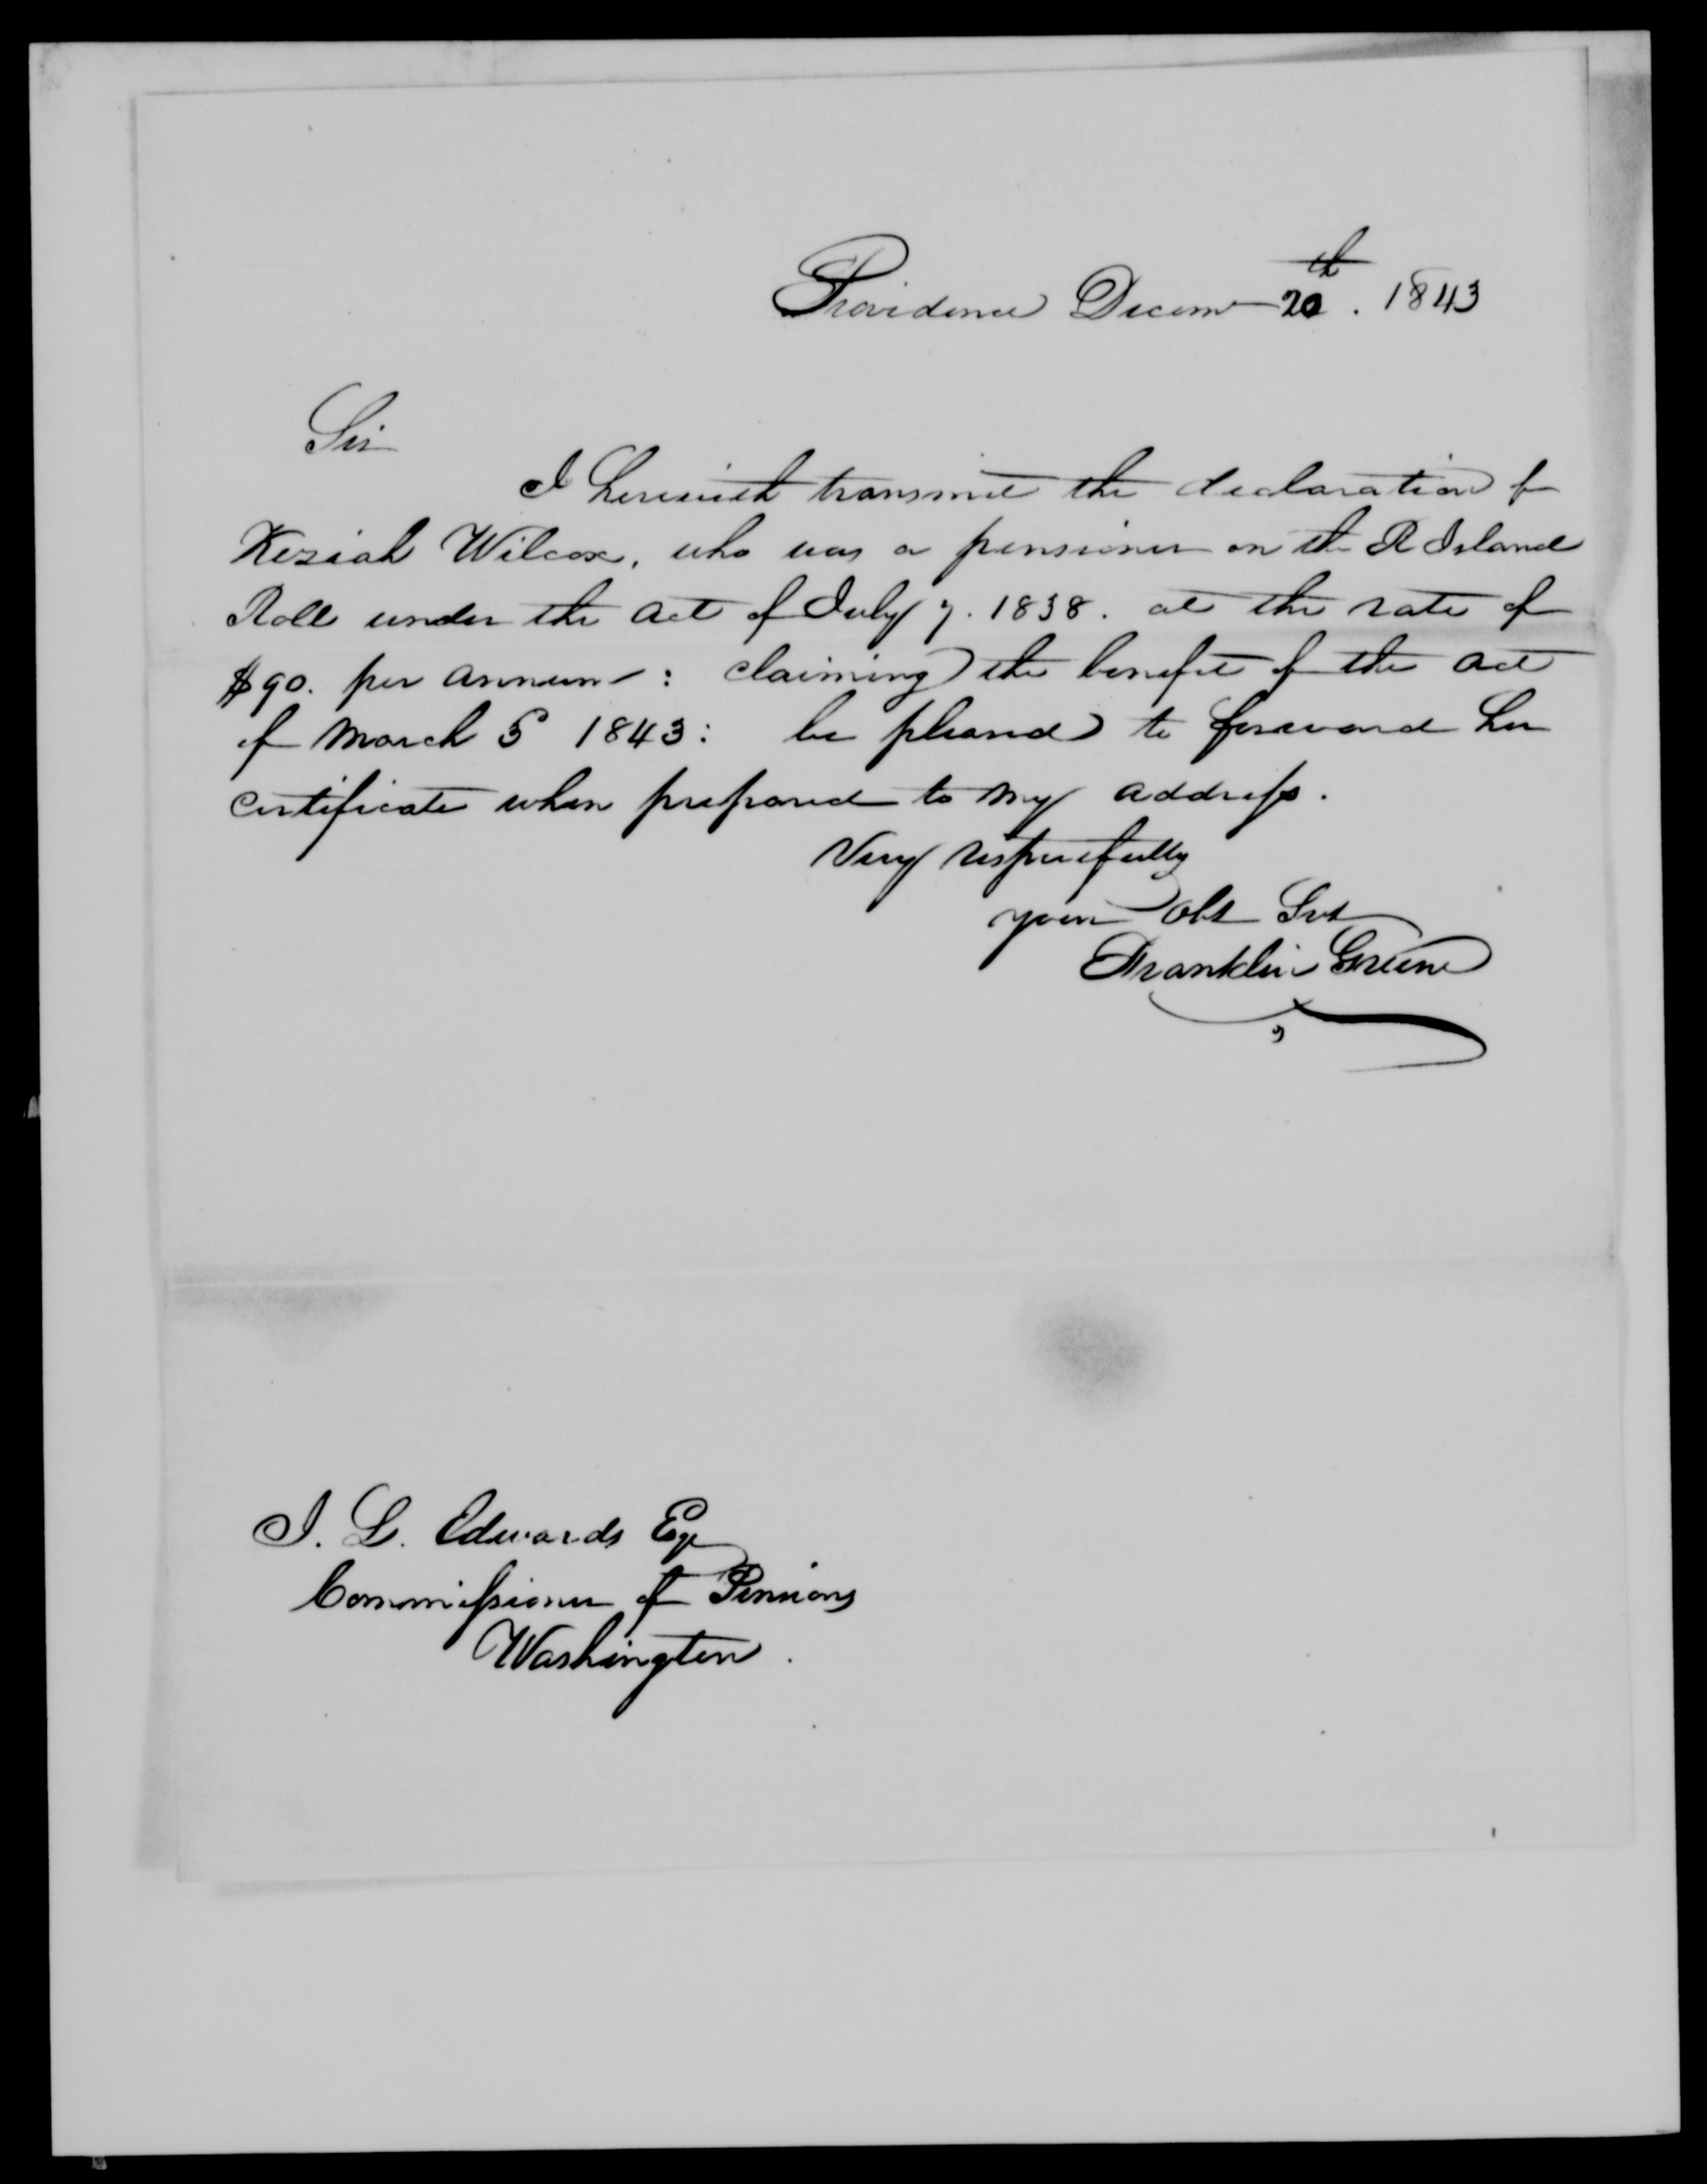Providence December 20th,  1843
Sir
I herewith transmit the declaration of
Keziah Wilcox, who was a pensioner on the R. Island
Roll under the act of July 7. 1838 at the rate of
$90 per annum: claiming the benefit of the act
of March 3 1843: be pleased to forward her
certificate when prepared to my address.
Very respectfully
your obs [illegible]
Franklin Greene
J. L. Edwards Esq
Commissioner of Pensions
Washington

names: Keziah Wilcox, J L Edwards, Franklin Greene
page: 30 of 39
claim: widow's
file: W. 26046, Thomas Willcox, R.I.